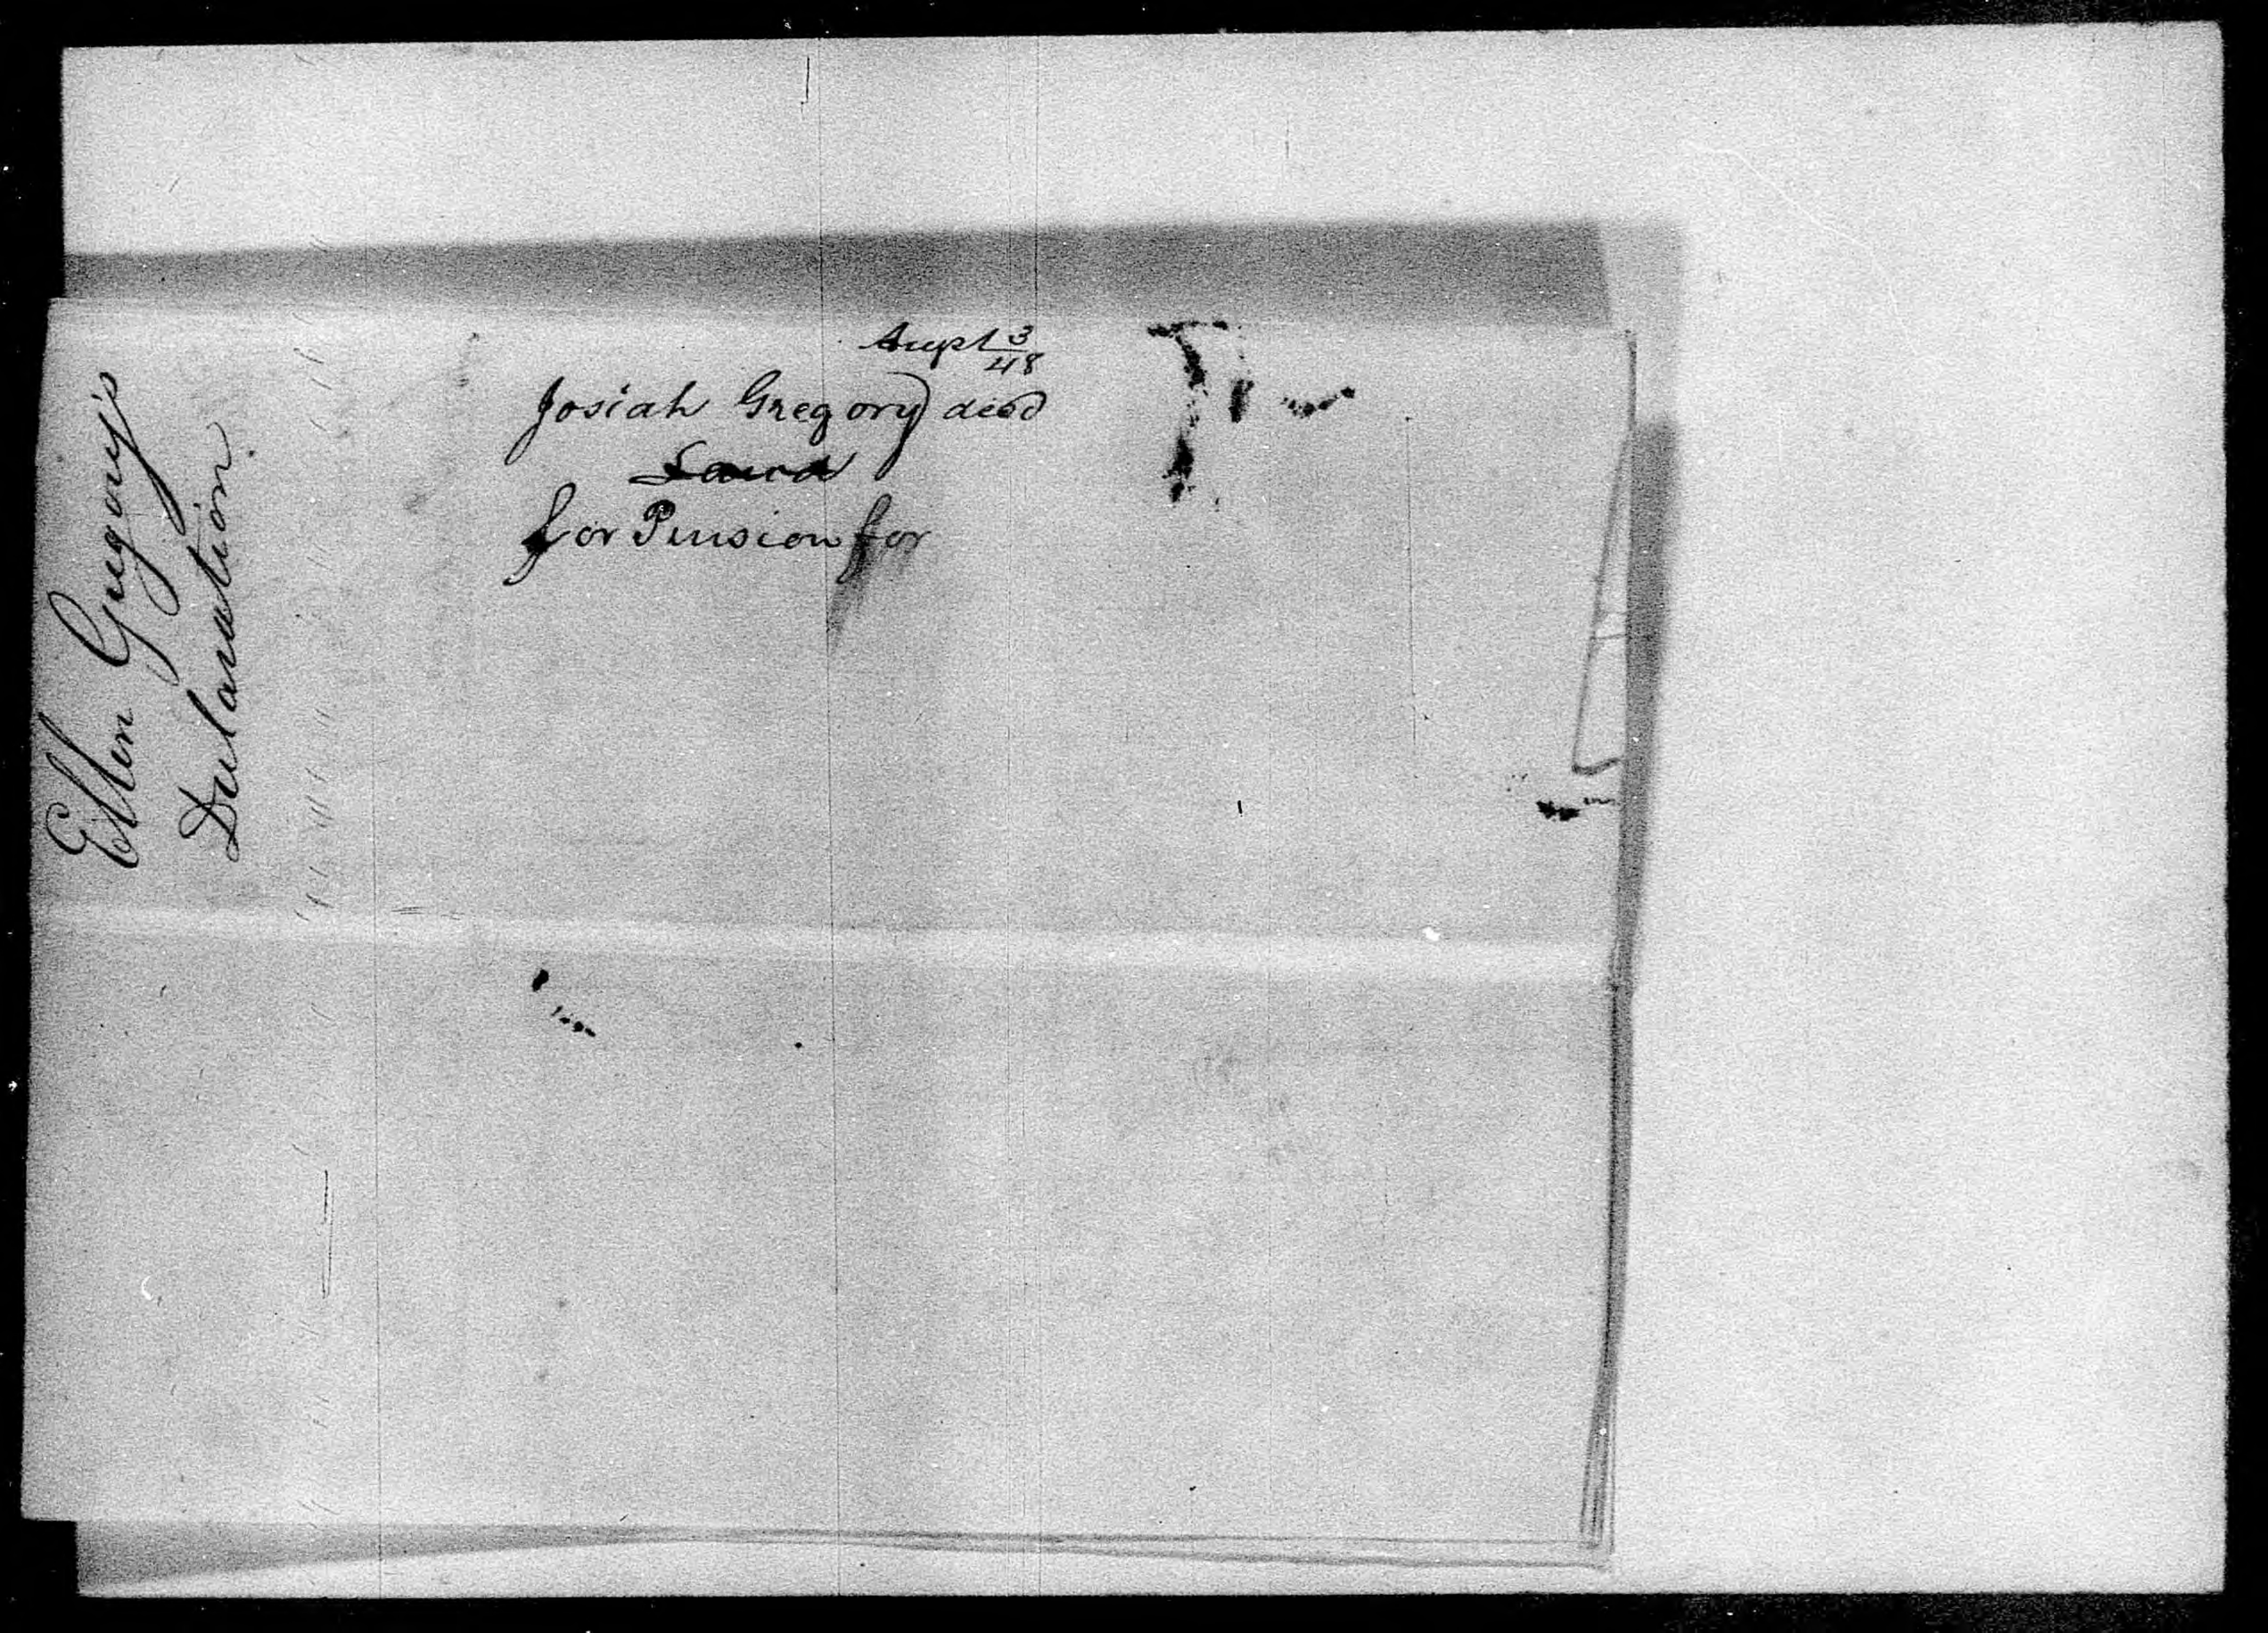[Written vertically, left side]
Ellen Gregory
Declaration


       Accpt 3/48

Josiah Gregory decd
      [illegible]
  for Pension for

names: Josiah Gregory, Ellen Gregory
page: 41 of 49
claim: widow's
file: W 24308, Josiah Gregory, Conn.